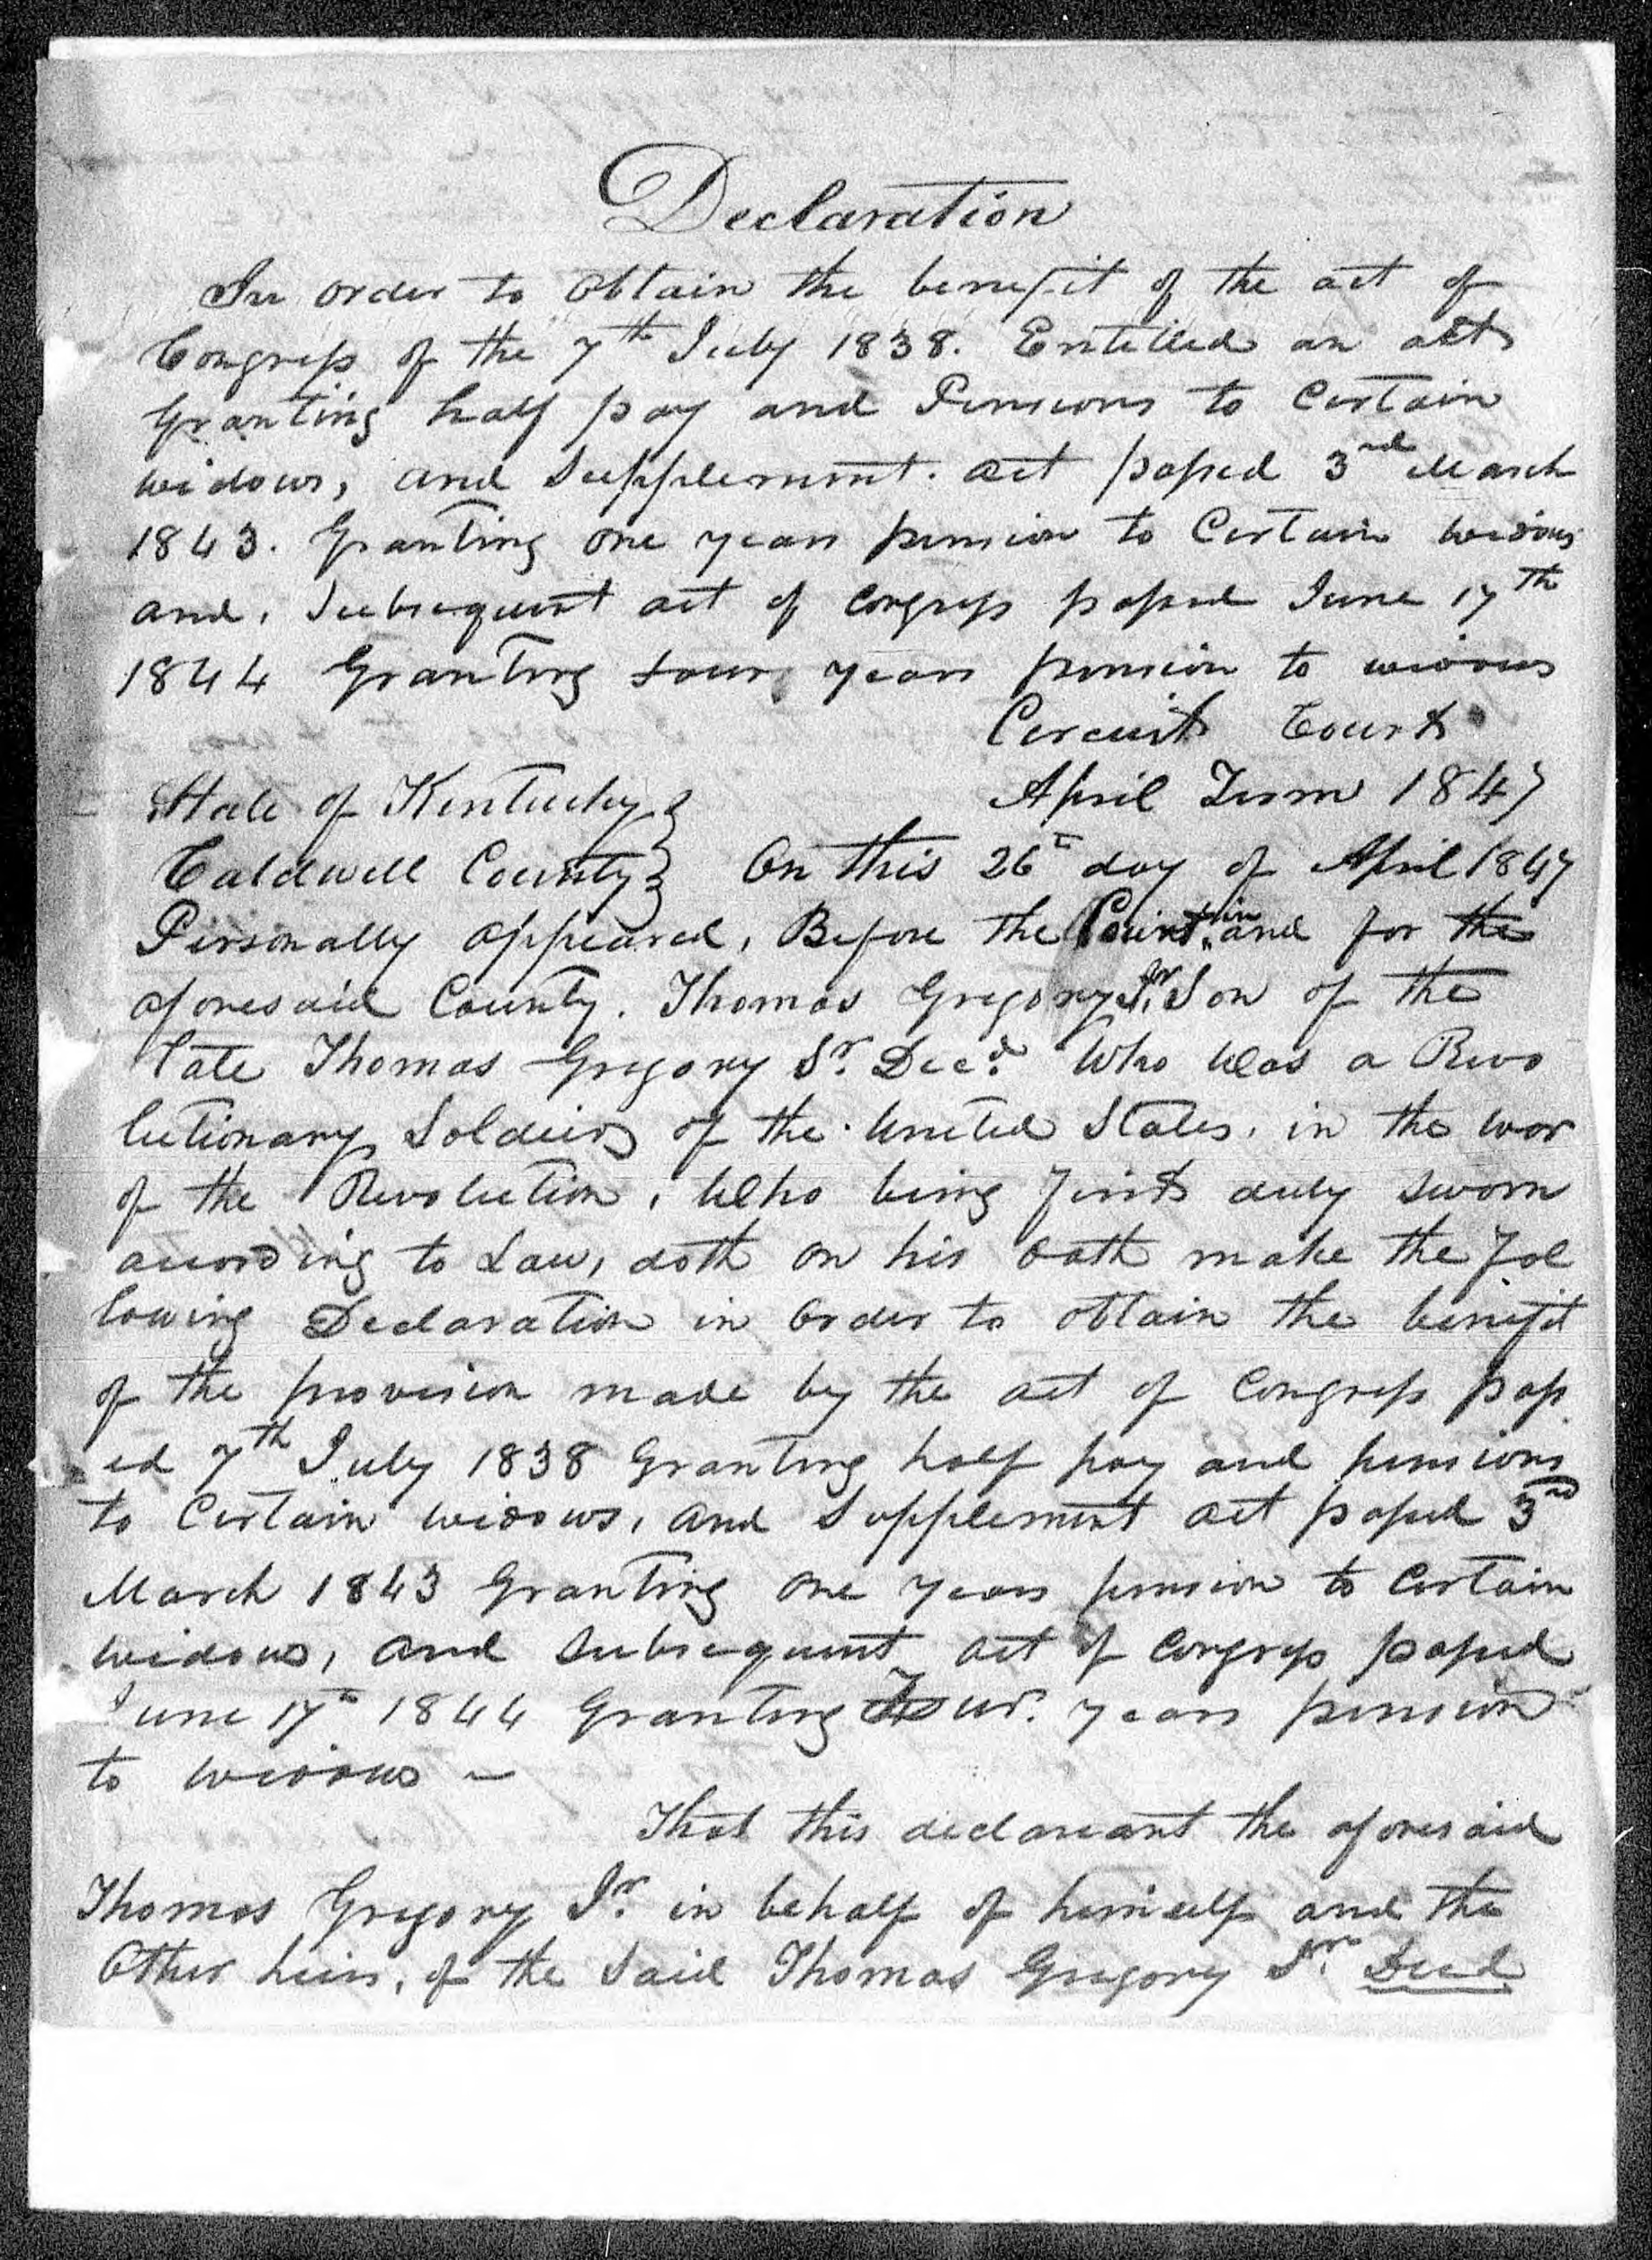Declaration 
In order to obtain the benefit of the act of Congress of the 7th July 1838. Entitled an act granting half pay and pensions to certain widows and. Supplement act passed 3rd  March 1843. Granting one year pension to Certain widows and, Subsequent act of Congress passed June 17th 1844 granting four years pension to widows
Circuit Court
April Term 1847
State of Kentucky }
Caldwell County }
On this 26th day of April 1847 Personally appeared, Before the Court in and for the aforesaid County. Thomas Gregory, Jr., Son of the late Thomas Gregory Sr, Dec’d, Who was a Revolutionary Soldier of the United States, in the war of the Revolution, Who being first duly sworn according to Law, doth on his oath make the following Declaration in order to obtain the benefit of the provision made by the act of Congress passed 7th July 1838 granting half pay and pensions to certain widows, and Supplement act passed 3rd March 1843 granting one years pension to certain widows and subsequent act of Congress passed June 17th 1866 granting Four years pension to widows ~
 That this declarant the aforesaid Thomas Gregory Jr. in behalf of himself and the other heirs, of the Said Thomas Gregory Sr. dec’d.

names: Thomas Gregory, Thomas Gregory, Thomas Gregory, Thomas Gregory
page: 4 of 75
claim: widow's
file: W. 8876, Thomas Gregory, Continental Va